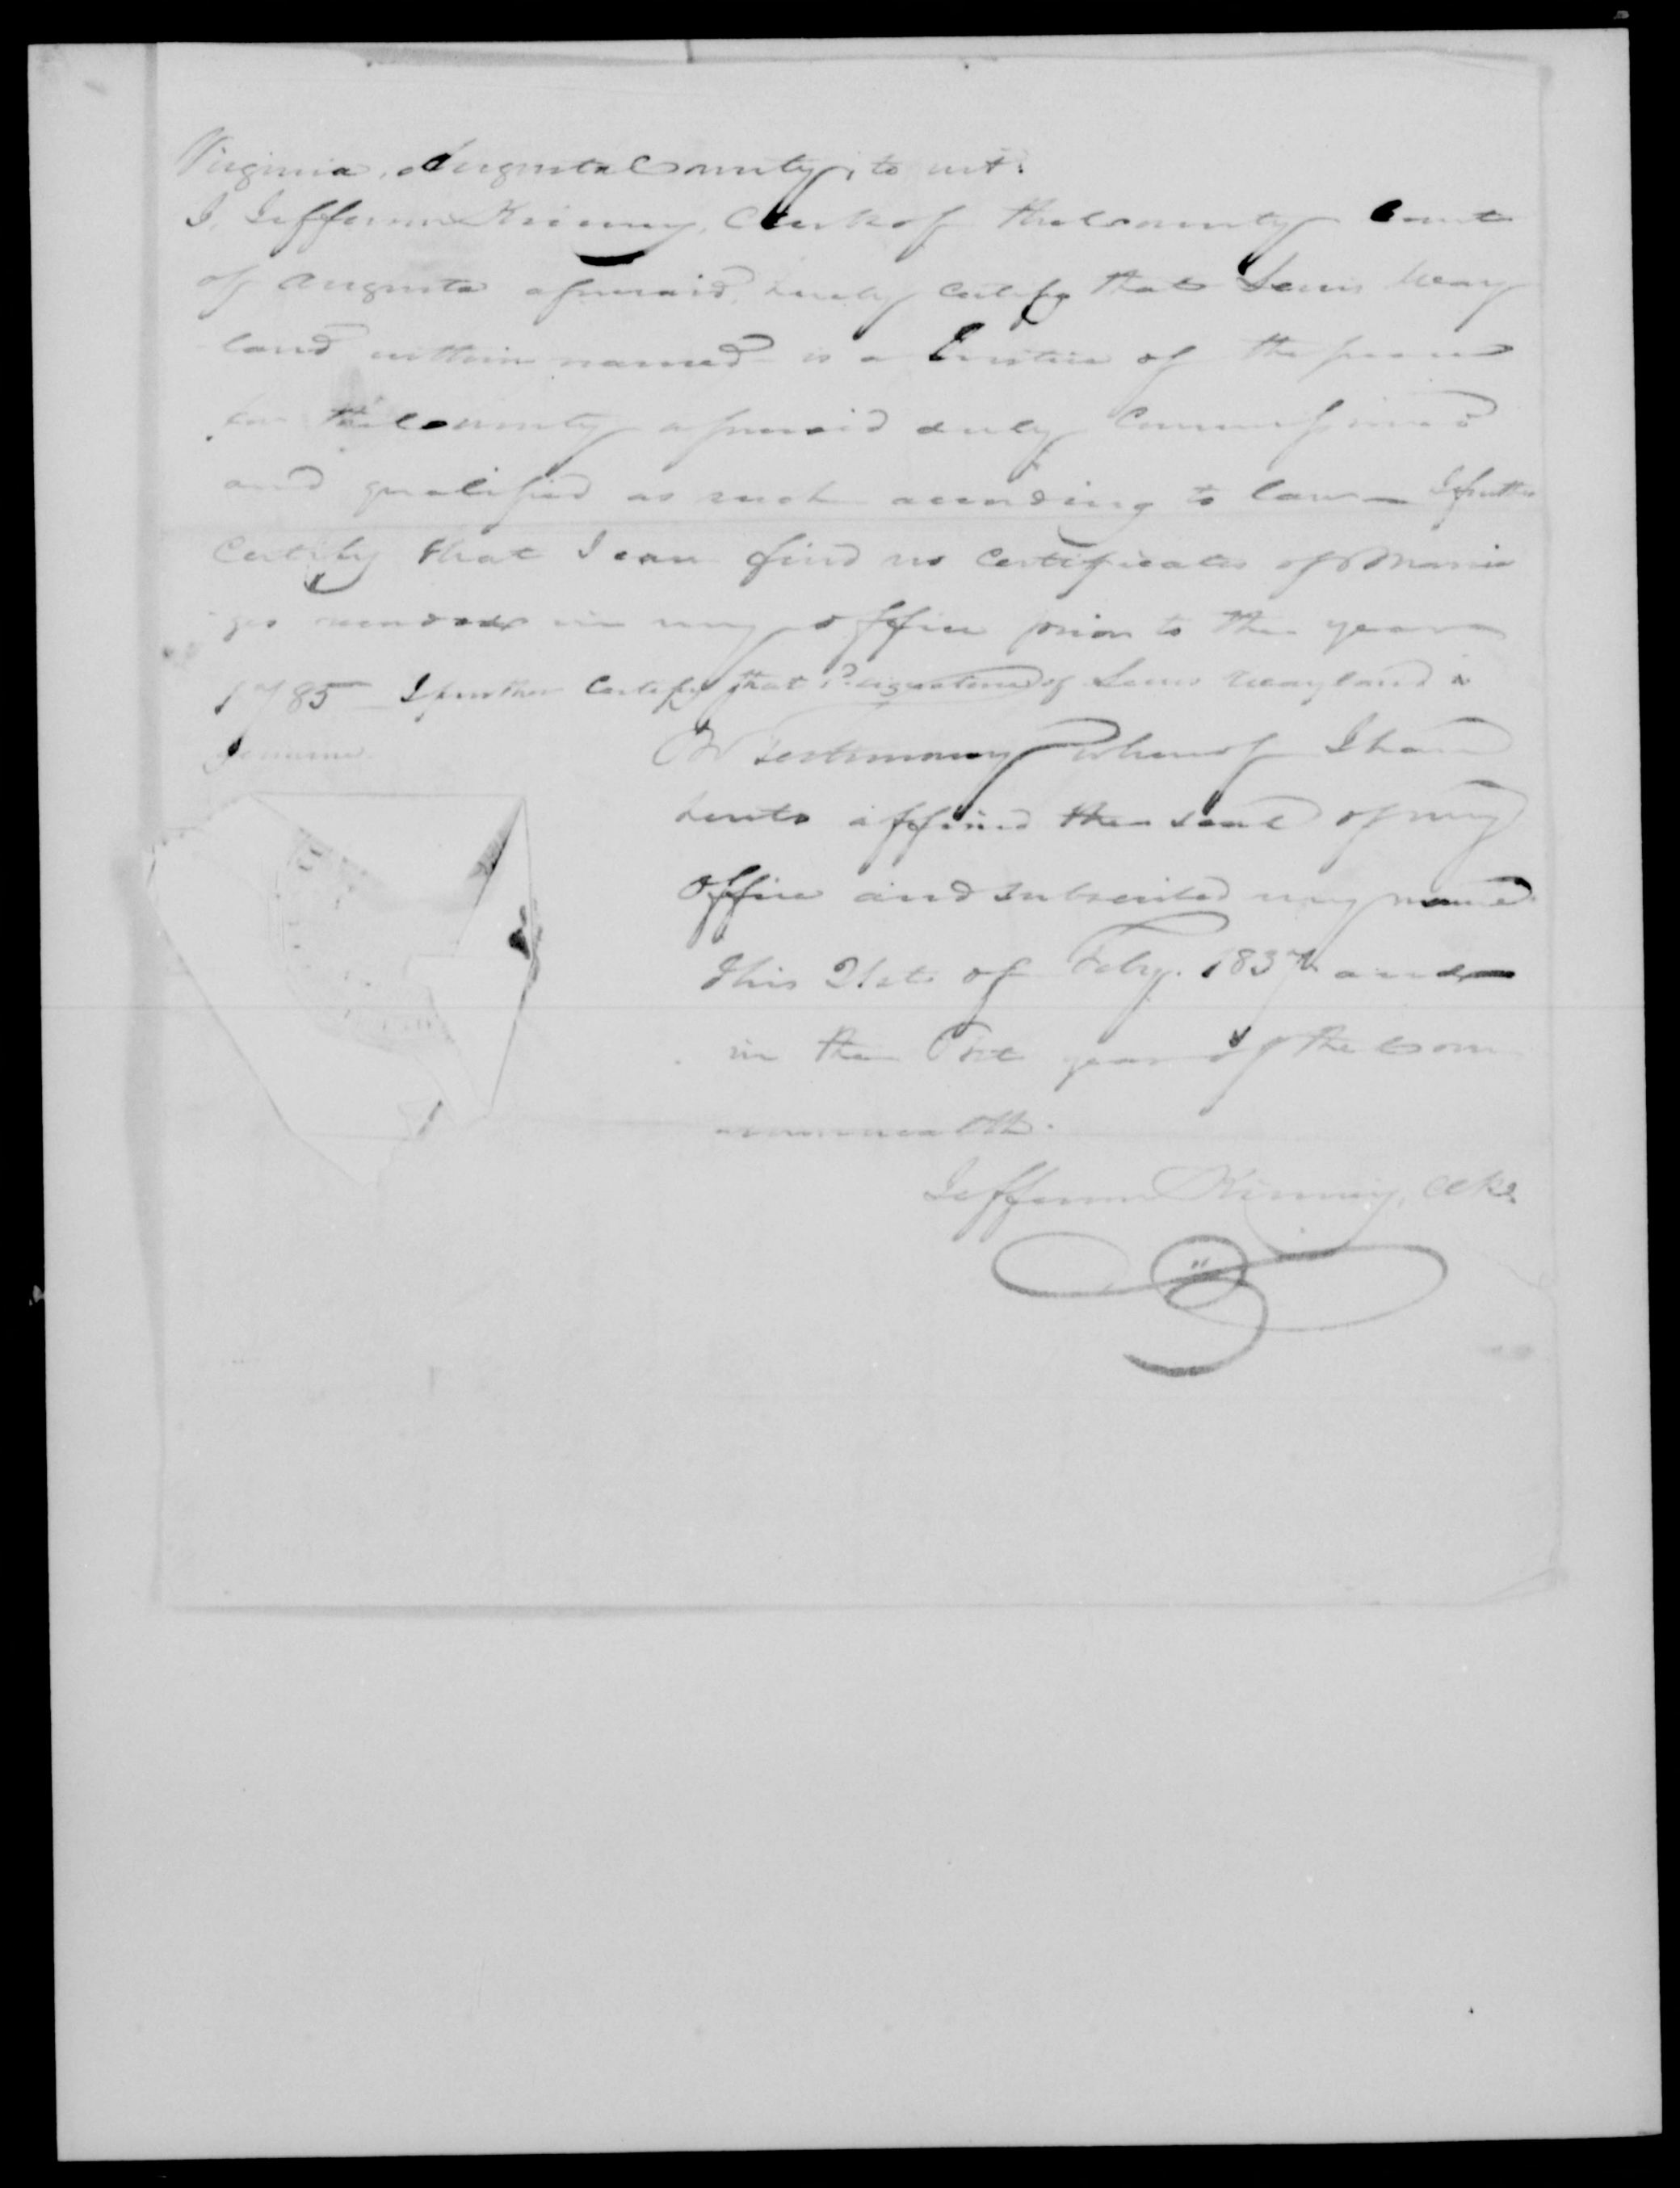Virginia, Augusta County, to wit.
I Jefferson Kinney, Clerk of the County Court of Augusta aforesaid, hereby certify that Lewis Wayland within named is a Justice of the Peace for the county aforesaid duly commissioned and qualified as such according to law - Information recorded in my office prior to the year 1785 - I further certify that sd. signature of Lewis Wayland is genuine
In testimony whereof I have hereto affixed the seal of my office and subscribed my name This 21st of Feby. 1837 and in the 60th year of the Commonwealth.
Jefferson Kinney, Clk.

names: Jefferson Kinney; Jefferson Kinney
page: 22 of 22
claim: widow's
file: W. 4,806, for William Smith, Virginia